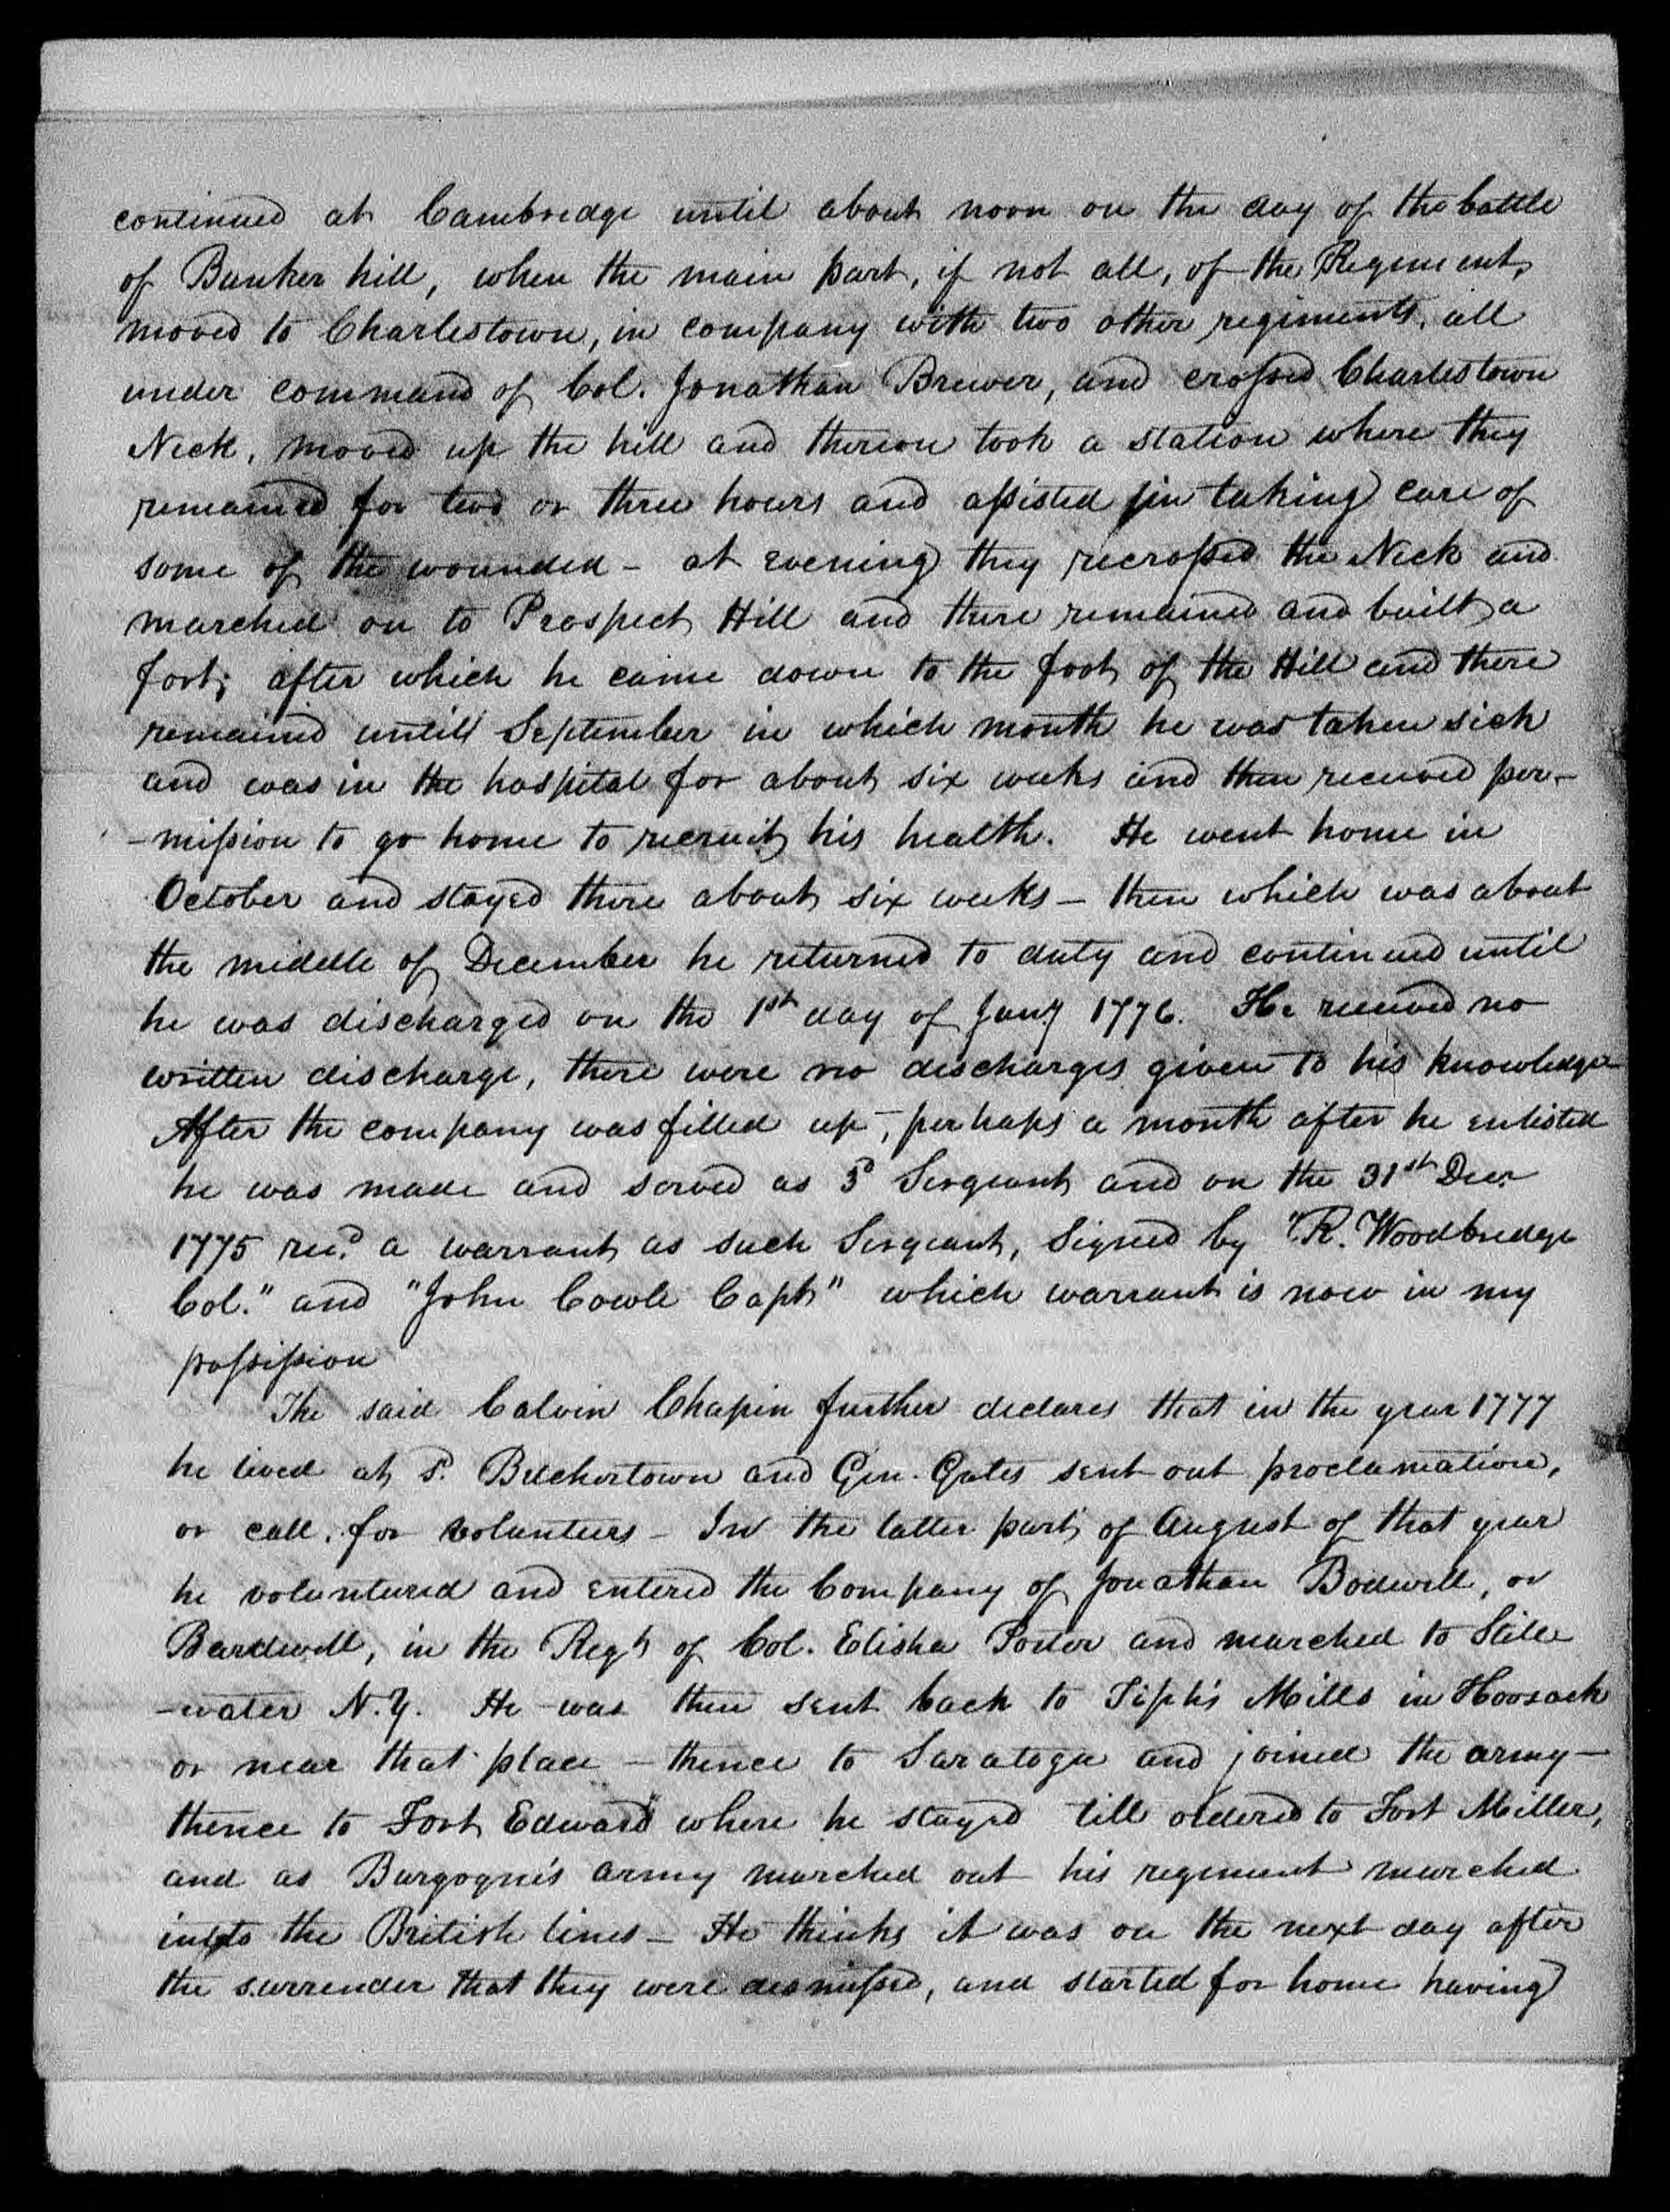continued at Cambridge until about noon on the day of the battle of Bunker hill, when the main part, if not all, of the Regiment moved to Charlestown, in company with two other regiments, all under command of Col. Jonathan Brewer, and crossed Charlestown Neck, moved up the hill and thereon took a station where they remained for two or three hours and assisted in taking care of some of the wounded -  at evening they recrossed the Neck and marched on to Prospect Hill and there remained and built a fort; after which he came down to the foot of the Hill and there remained until September in which month he was taken sick and was in the hospital for about six weeks and then recovered per-mission to go home to recruit his health. He went home in October and stayed there about six weeks - there which was about the middle of December he returned to duty and continued until he was discharged on the 1st day of Jan.y 1776. He received no written discharge, there were no discharges given to his knowledge. After the company was filled up, - perhaps a month after he enlisted he was made and served as 3d Sergeant and on the 31st Dec.r 1775 rec,d a warrant as such Sergeant, Signed by "R. Woodbridge Col." and "John Cowle Capt" which warrant is now in my possession 
The said Calvin Chapin further declares that in the year 1777 he lived at S. Buchertown and Gen. Gates sent out proclamation, or call, for volunteers - In the latter part of August of that year he volunteered and entered the Company of Jonathan Bodwell, or bardwell, in the Regt of Col. Elisha Porter and marched to Stillwater N.Y. He was then sent back to Tiphis Mills in Hoosack or near that place -  thence to Saratoga and joined the army - thence to Fort Edward where he stayed till ordered to Fort Miller, and as Burgoynes army marched out his regiment marched in[illegible] the British lines - He thinks it was on the next day after the surrender that they were dismissed, and started for home having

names: R Woodbridge, Jonathan Bardwell, John Cowle, Calvin Chapin, Gates, Jonathan Brewer, Jonathan Bodwell, Elisha Porter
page: 5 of 35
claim: widow's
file: W. 20,864, Calvin Chapin, Mass. Vt.